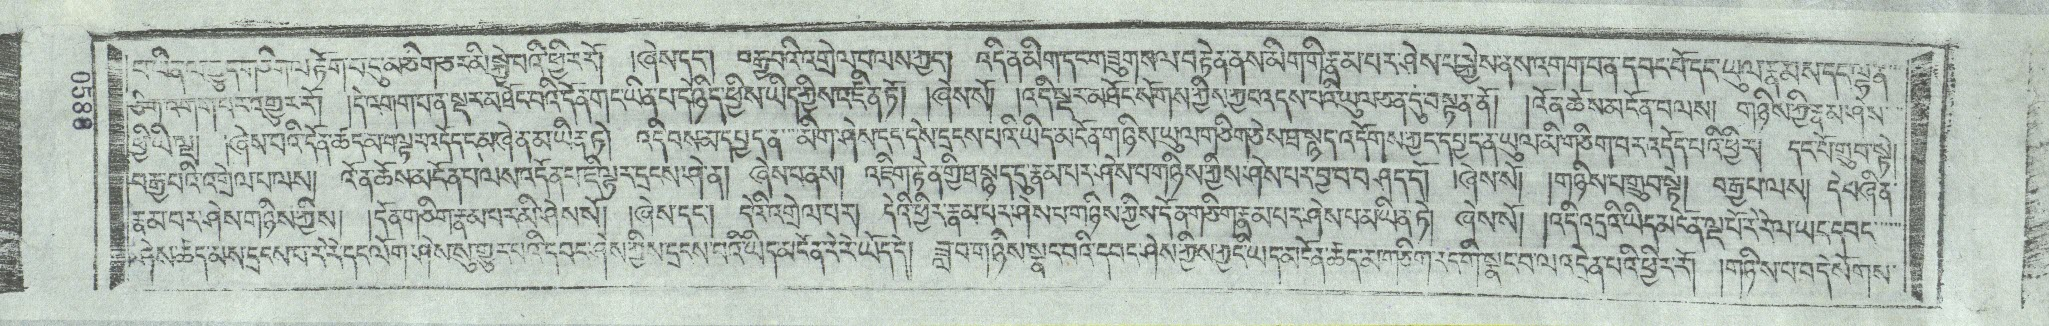པ་ཡིན་ལ་རྒྱུད་གཅིག་ལ་རྟོག་པ་དུ་མ་ཅིག་ཅར་མི་སྐྱེ་པའི་ཕྱིར་རོ། །ཞེས་དང་། བརྒྱ་བའི་འགྲེལ་པ་ལས་ཀྱང་། འདི་ན་མིག་དང་གཟུགས་ལ་བརྟེན་ནས་མིག་གི་རྣམ་པར་ཤེས་པ་སྐྱེས་ནས་འགག་པ་ན་དབང་པོ་དང་ཡུལ་རྣམས་དང་ལྷན་
ཅིག་འགག་པར་འགྱུར་རོ། །དེ་འགག་པ་ན་སྔར་མཐོང་བའི་དོན་གང་ཡིན་པ་དེ་ཉིད་ཕྱིས་ཡིད་ཀྱིས་འཛིན་ཏོ། །ཞེས་སོ། །འདི་སྔར་མཐོང་སོགས་ཀྱིས་ཀྱང་འདས་པའི་ཡུལ་ཅན་དུ་བསྟན་ནོ། །འོ་ན་ཆོས་མངོན་པ་ལས། གཉིས་ཀྱི་རྣམ་ཤེས་
ཕྱི་ཡི་ལྔ། །ཞེས་པའི་དོན་ཚད་མ་པ་ལྟར་འདོད་དམ་ཞེན་མ་ཡིན་ཏེ། འདི་བས་མ་དཔྱད་ན་མིག་ཤེས་དང་དེས་དྲངས་པའི་ཡིད་མངོན་གཉིས་ཡུལ་གཅིག་ཅེས་ཐ་སྙད་འདོགས་ཀྱང་དཔྱད་ན་ཡུལ་མི་གཅིག་པར་འདོད་པའི་ཕྱིར། དང་པོ་གྲུབ་སྟེ།
བརྒྱ་པའི་འགྲེལ་པ་ལས། འོ་ན་ཆོས་མངོན་པ་ལས་འདོན་པ་ཇི་ལྟར་དྲངས་ཤེ་ན། ཞེས་པ་ནས། འཇིག་རྟེན་གྱི་ཐ་སྙད་དུ་རྣམ་པར་ཤེས་པ་གཉིས་ཀྱིས་ཤེས་པར་བྱ་བ་བཤད་དོ། །ཞེས་སོ། །གཉིས་པ་གྲུབ་སྟེ། བརྒྱ་པ་ལས། དེ་བཞིན་
རྣམ་པར་ཤེས་གཉིས་ཀྱིས། །དོན་གཅིག་རྣམ་པར་མི་ཤེས་སོ། །ཞེས་དང་། དེའི་འགྲེལ་པར། དེའི་ཕྱིར་རྣམ་པར་ཤེས་པ་གཉིས་ཀྱིས་དོན་གཅིག་རྣམ་པར་ཤེས་པ་མ་ཡིན་ཏེ། ཞེས་སོ། །འདི་འདྲའི་ཡིད་མངོན་ལྔ་པོ་རེ་རེ་ལ་ཡང་དབང་
ཤེས་ཚད་མས་དྲངས་པ་རེ་རེ་དང་ལོག་ཤེས་སུ་གྱུར་པའི་དབང་ཤེས་ཀྱིས་དྲངས་པའི་ཡིད་མངོན་རེ་རེ་ཡོད་དེ། ཟླ་བ་གཉིས་སྣང་བའི་དབང་ཤེས་ཀྱིས་ཀྱང་ཡིད་མངོན་ཚད་མ་གཅིག་རང་གི་སྣང་བ་ལ་འདྲེན་པའི་ཕྱིར་རོ། །གཉིས་པ་བདེ་སོགས་